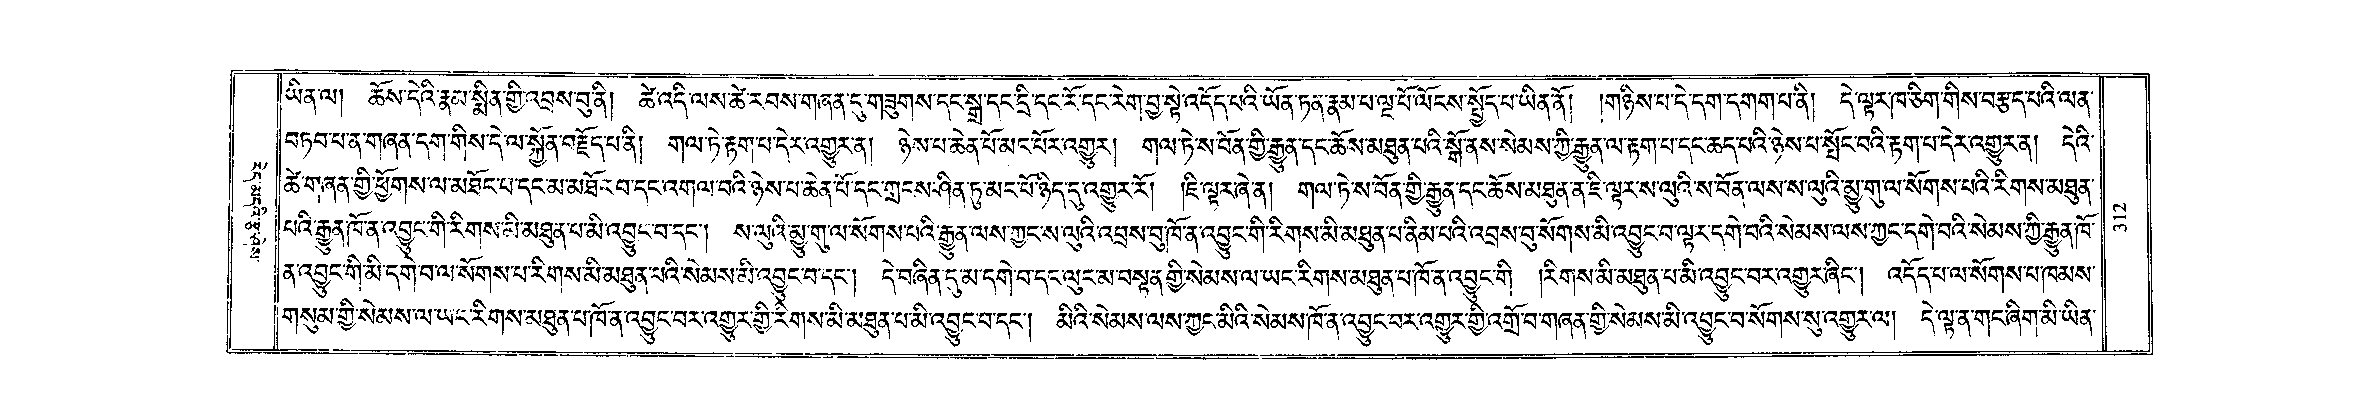ཡིན་ལ། ཆོས་དེའི་རྣམ་སྨིན་གྱི་འབྲས་བུ་ནི། ཚེ་འདི་ལས་ཚེ་རབས་གཞན་དུ་གཟུགས་དང་སྒྲ་དང་དྲི་དང་རོ་དང་རེག་བྱ་སྟེ་འདོད་པའི་ཡོན་ཏན་རྣམ་པ་ལྔ་པོ་ལོངས་སྤྱོད་པ་ཡིན་ནོ། །གཉིས་པ་དེ་དག་དགག་པ་ནི། དེ་ལྟར་ཁ་ཅིག་གིས་བརྩད་པའི་ལན་
བཏབ་པ་ན་གཞན་དག་གིས་དེ་ལ་སྐྱོན་བརྗོད་པ་ནི། གལ་ཏེ་རྟག་པ་དེར་འགྱུར་ན། ཉེས་པ་ཆེན་པོ་མང་པོར་འགྱུར། གལ་ཏེ་ས་བོན་གྱི་རྒྱུན་དང་ཆོས་མཐུན་པའི་སྒོ་ནས་སེམས་ཀྱི་རྒྱུན་ལ་རྟག་པ་དང་ཆད་པའི་ཉེས་པ་སྤོང་བའི་རྟག་པ་དེར་འགྱུར་ན། དེའི་
ཚེ་གཞན་གྱི་ཕྱོགས་ལ་མཐོང་པ་དང་མ་མཐོང་བ་དང་འགལ་བའི་ཉེས་པ་ཆེན་པོ་དང་གྲངས་ཤིན་ཏུ་མང་པོ་ཉིད་དུ་འགྱུར་རོ། །ཇི་ལྟར་ཞེ་ན། གལ་ཏེ་ས་བོན་གྱི་རྒྱུན་དང་ཆོས་མཐུན་ན་ཇི་ལྟར་ས་ལུའི་ས་བོན་ལས་ས་ལུའི་མྱུ་གུ་ལ་སོགས་པའི་རིགས་མཐུན་
པའི་རྒྱུན་ཁོ་ན་འབྱུང་གི་རིགས་མི་མཐུན་པ་མི་འབྱུང་བ་དང་། ས་ལུའི་མྱུ་གུ་ལ་སོགས་པའི་རྒྱུན་ལས་ཀྱང་ས་ལུའི་འབྲས་བུ་ཁོ་ན་འབྱུང་གི་རིགས་མི་མཐུན་པ་ནིམ་པའི་འབྲས་བུ་སོགས་མི་འབྱུང་བ་ལྟར་དགེ་བའི་སེམས་ལས་ཀྱང་དགེ་བའི་སེམས་ཀྱི་རྒྱུན་ཁོ་
ན་འབྱུང་གི་མི་དགེ་བ་ལ་སོགས་པ་རིགས་མི་མཐུན་པའི་སེམས་མི་འབྱུང་བ་དང་། དེ་བཞིན་དུ་མ་དགེ་བ་དང་ལུང་མ་བསྟན་གྱི་སེམས་ལ་ཡང་རིགས་མཐུན་པ་ཁོ་ན་འབྱུང་གི །རིགས་མི་མཐུན་པ་མི་འབྱུང་བར་འགྱུར་ཞིང་། འདོད་པ་ལ་སོགས་པ་ཁམས་
གསུམ་གྱི་སེམས་ལ་ཡང་རིགས་མཐུན་པ་ཁོ་ན་འབྱུང་བར་འགྱུར་གྱི་རིགས་མི་མཐུན་པ་མི་འབྱུང་བ་དང་། མིའི་སེམས་ལས་ཀྱང་མིའི་སེམས་ཁོ་ན་འབྱུང་བར་འགྱུར་གྱི་འགྲོ་བ་གཞན་གྱི་སེམས་མི་འབྱུང་བ་སོགས་སུ་འགྱུར་ལ། དེ་ལྟ་ན་གང་ཞིག་མི་ཡིན་